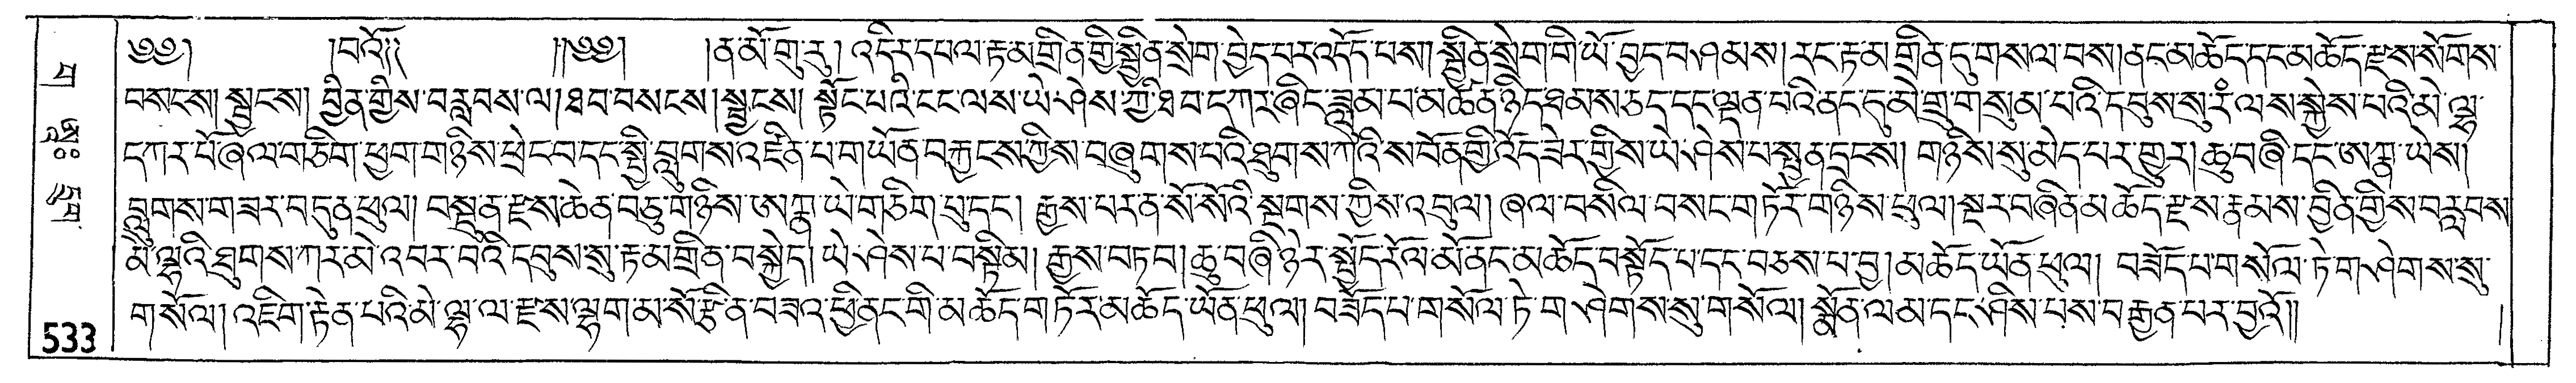༄༅། །བའོ།། །།༄༅། །ན་མོ་གུ་རུ། འདིར་དཔལ་རྟ་མགྲིན་གྱི་སྦྱིན་སྲེག་བྱེད་པར་འདོད་པས། སྦྱིན་སྲེག་གི་ཡོ་བྱད་བཤམས། རང་རྟ་མགྲིན་དུ་གསལ་བས། ནང་མཆོད་དང་མཆོད་རྫས་སོགས་
བསངས། སྦྱངས། བྱིན་གྱིས་བརླབས་ལ། ཐབ་བསངས། སྦྱངས། སྟོང་པའི་ངང་ལས་ཡེ་ཤེས་ཀྱི་ཐབ་དཀར་ཞིང་ཟླུམ་པ་མཚན་ཉིད་ཐམས་ཅད་དང་ལྡན་པའི་ནང་དུ་མེ་གྲུ་གསུམ་པའི་དབུས་སུ་རཾ་ལས་སྐྱེས་པའི་མེ་ལྷ་
དཀར་པོ་ཞལ་གཅིག་ཕྱག་གཉིས་ཕྲེང་བ་དང་སྤྱི་བླུགས་འཛིན་པ་གཡོན་བརྐྱངས་ཀྱིས་བཞུགས་པའི་ཐུགས་ཀའི་ས་བོན་གྱི་འོད་ཟེར་གྱིས་ཡེ་ཤེས་པ་སྤྱན་དྲངས། གཉིས་སུ་མེད་པར་གྱུར། ཆུ་བཞི་དང་ཨཀྣ་ཡེས།
བླུགས་གཟར་བདུན་ཕུལ། བསྡུ་ན་རྫས་ཆེན་བཅུ་གཉིས་ཨཀྣ་ཡེ་གཅིག་པུ་དང་། རྒྱས་པར་ན་སོ་སོའི་སྔགས་ཀྱིས་འབུལ། ཞལ་བསིལ་བསང་གཏོར་གཉིས་ཕུལ། སྔར་བཞིན་མཆོད་རྫས་རྣམས་བྱིན་གྱིས་བརླབས་
མེ་ལྷའི་ཐུགས་ཀར་མེ་འབར་བའི་དབུས་སུ་རྟ་མགྲིན་བསྐྱེད། ཡེ་ཤེས་པ་བསྟིམ། རྒྱས་བཏབ། ཆུ་བཞི་ཉེར་སྤྱོད་རོལ་མོ་ནང་མཆོད་བསྟོད་པ་དང་བཅས་པ་བྱ། མཆོད་ཡོན་ཕུལ། བཟོད་པ་གསོལ་ཏེ་གཤེགས་སུ་
གསོལ། འཇིག་རྟེན་པའི་མེ་ལྷ་ལ་རྫས་ལྷག་མ་སོ་རྩི་ན་བཟའ་ཕྱི་ནང་གི་མཆོད་གཏོར་མཆོད་ཡོན་ཕུལ། བཟོད་པ་གསོལ་ཏེ་གཤེགས་སུ་གསོལ། སྨོན་ལམ་དང་ཤིས་པས་བརྒྱན་པར་བྱའོ།། །